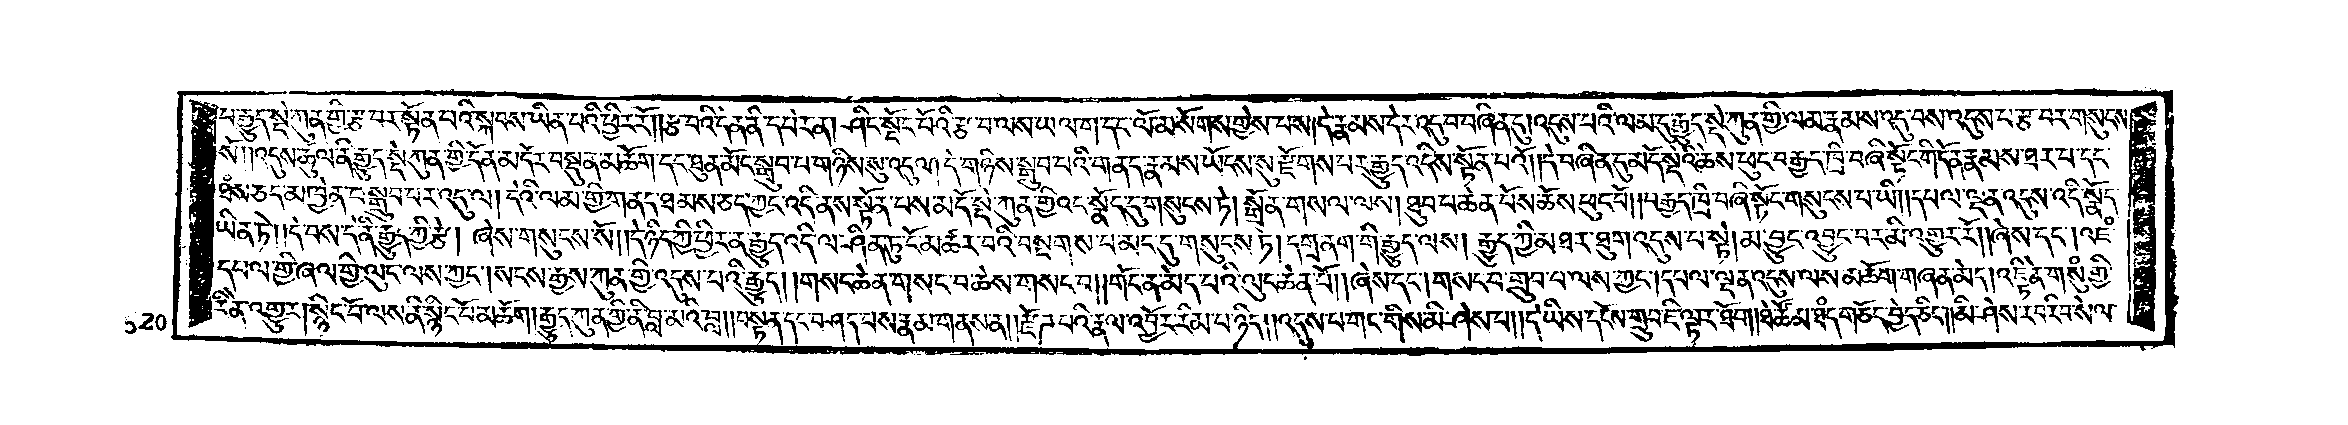པ་རྒྱུད་སྡེ་ཀུན་གྱི་རྩ་བར་སྟོན་པའི་སྐབས་ཡིན་པའི་ཕྱིར་རོ། །རྩ་བའི་དོན་ནི་དཔེར་ན། ཤིང་སྡོང་པོའི་རྩ་བ་ལས་ཡལ་ག་དང་ལོ་མ་སོགས་གྱེས་པས། དེ་རྣམས་དེར་འདུ་བ་བཞིན་དུ། འདུས་པའི་ལམ་དུ་རྒྱུད་སྡེ་ཀུན་གྱི་ལམ་རྣམས་འདུ་བས་འདུས་པ་རྩ་བར་གསུངས་
སོ། །འདུས་ཚུལ་ནི་རྒྱུད་སྡེ་ཀུན་གྱི་དོན་མདོར་བསྡུ་ན་མཆོག་དང་ཐུན་མོང་སྒྲུབ་པ་གཉིས་སུ་འདུ་ལ། དེ་གཉིས་སྒྲུབ་པའི་གནད་རྣམས་ཡོངས་སུ་རྫོགས་པར་རྒྱུད་འདིས་སྟོན་པའོ། །དེ་བཞིན་དུ་མདོ་སྡེའི་ཆོས་ཕུང་བརྒྱད་ཁྲི་བཞི་སྟོང་གི་དོན་རྣམས་ཐར་པ་དང་
ཐམས་ཅད་མཁྱེན་པ་སྒྲུབ་པར་འདུ་ལ། དེའི་ལམ་གྱི་གནད་ཐམས་ཅད་ཀྱང་འདི་ནས་སྟོན་པས་མདོ་སྡེ་ཀུན་གྱིའང་སྣོད་དུ་གསུངས་ཏེ། སྒྲོན་གསལ་ལས། ཐུབ་པ་ཆེན་པོས་ཆོས་ཕུང་པོ། །བརྒྱད་ཁྲི་བཞི་སྟོང་གསུངས་པ་ཡི། །དཔལ་ལྡན་འདུས་འདི་སྣོད་
ཡིན་ཏེ། །དེ་བས་དེ་ནི་རྒྱུད་ཀྱི་རྩེ། ཞེས་གསུངས་སོ། །དེ་ཉིད་ཀྱི་ཕྱིར་ན་རྒྱུད་འདི་ལ་ཤིན་ཏུ་ངོ་མཚར་བའི་བསྔགས་པ་མང་དུ་གསུངས་ཏེ། དགྲ་ནག་གི་རྒྱུད་ལས། རྒྱུད་ཀྱི་མཐར་ཐུག་འདུས་པ་སྟེ། མ་བྱུང་འབྱུང་བར་མི་འགྱུར་རོ། །ཞེས་དང་། འཇམ་དཔལ་གྱི་ཞལ་གྱི་ལུང་ལས་ཀྱང་། སངས་རྒྱས་ཀུན་གྱི་འདུས་པའི་རྒྱུད། །གསང་ཆེན་གསང་བ་ཆེས་གསང་བ། །གོང་ན་མེད་པའི་ལུང་ཆེན་པོ། །ཞེས་དང་། གསང་བ་གྲུབ་པ་ལས་ཀྱང་། དཔལ་ལྡན་འདུས་ལས་མཆོག་གཞན་མེད། འཇིག་རྟེན་གསུམ་གྱི་
རིན་?་འགྱུར། སྙིང་པོ་ལས་ནི་སྙིང་པོ་མཆོག །རྒྱུད་ཀུན་གྱི་ནི་བླ་མའི་བླ། །བསྟན་དང་བཤད་པས་རྣམ་གནས་ན། །རྫོགས་པའི་རྣལ་འབྱོར་རིམ་པ་ཉིད། །འདུས་པ་གང་གིས་མི་ཤེས་པ། །དེ་ཡིས་དངོས་གྲུབ་ཇི་ལྟར་ཐོབ། །ཐེ་ཚོམ་ཐམས་ཅད་གཅོད་བྱེད་ཅིང་། །མི་ཤེས་རབ་རིབ་སེལ་